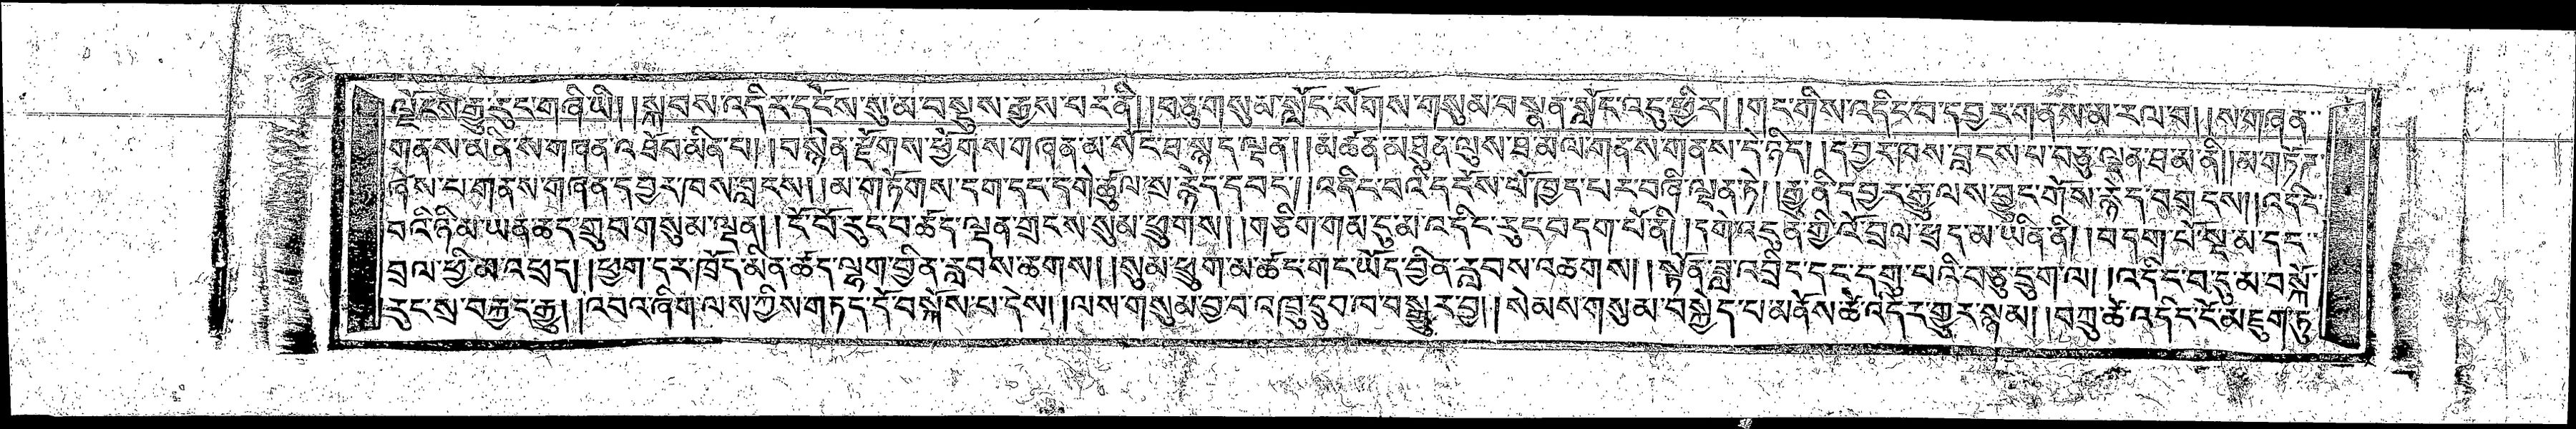ལྗོངས་རྒྱུ་རུང་གཞི་ཡི། །སྐབས་འདིར་དངོས་སུ་མ་བསྡུས་རྒྱས་པར་ནི། །བཅུ་གསུམ་སློང་སོགས་གསུམ་བསྣན་སློང་འདུ་ཕྱིར། །གང་གིས་འདིང་བ་དབྱར་གནས་མ་རལ་བ། །ས་གཞན་
གནས་མིན་ས་གཞན་འཐོབ་མིན་པ། །བསྙེན་རྫོགས་ཕྱོགས་གཞན་མ་སོང་ཐ་སྙད་ལྡན། །མཚན་མཐུན་ལུས་ཐ་མལ་གནས་གནས་དེ་ཉིད། །དབྱར་ཁས་བླངས་པ་བཅུ་ལྡན་ཐ་མ་ནི། །མ་གཏོགས་
ཞེས་པ་གནས་གཞན་དབྱར་ཁས་བླངས། །མ་གཏོགས་དག་དང་དགེ་ཚུལ་སྲ་རྙེད་དབང་། །འདིང་བའི་དངོས་པོ་ཁྱད་པར་བཞི་ལྡན་ཏེ། །རྒྱུ་ནི་དབྱར་རྒྱུ་ལས་བྱུང་གོས་རྙེད་བགྲངས། །འདིང་
བའི་ཉི་མ་ཡན་ཆད་གྲུབ་གསུམ་ལྡན། །ངོ་བོ་རུང་བ་ཚད་ལྡན་གྲངས་སུམ་ཕྲུགས། །གཅིག་གམ་དུ་མ་འདིང་རུང་བདག་པོ་ནི། །དགེ་འདུན་གྱི་འོ་བྲལ་ཕྲད་མ་ཡིན་ནི། །བདག་པོ་སྔ་མ་དང་
བྲལ་ཕྱི་མ་འཕྲད། །ཕྱག་དར་ཁྲོད་མིན་ཚད་ལྷག་བྱིན་རླབས་ཆགས། །སུམ་ཕྲུག་མ་ཚང་གང་ཡོད་བྱིན་རླབས་འཆགས། །སྟོན་ཟླ་འབྲིང་དང་དགུ་པའི་བཅུ་དྲུག་ལ། །འདིང་བ་དུ་མ་བསྐོ་
རུང་སྲ་བརྐྱང་རྒྱུ། །འབའ་ཞིག་ལས་ཀྱིས་གཏད་དོ་བསྐོས་པ་དེས། །ལས་གསུམ་བྱ་བ་འཁྲུ་དྲུབ་ཁ་བསྒྱུར་བྱ། །སེམས་གསུམ་བསྐྱེད་པ་མནོས་ཚེ་འདིར་གྱུར་སྙམ། །བཀྲུ་ཚེ་འདིང་ངོ་མཇུག་ཏུ་